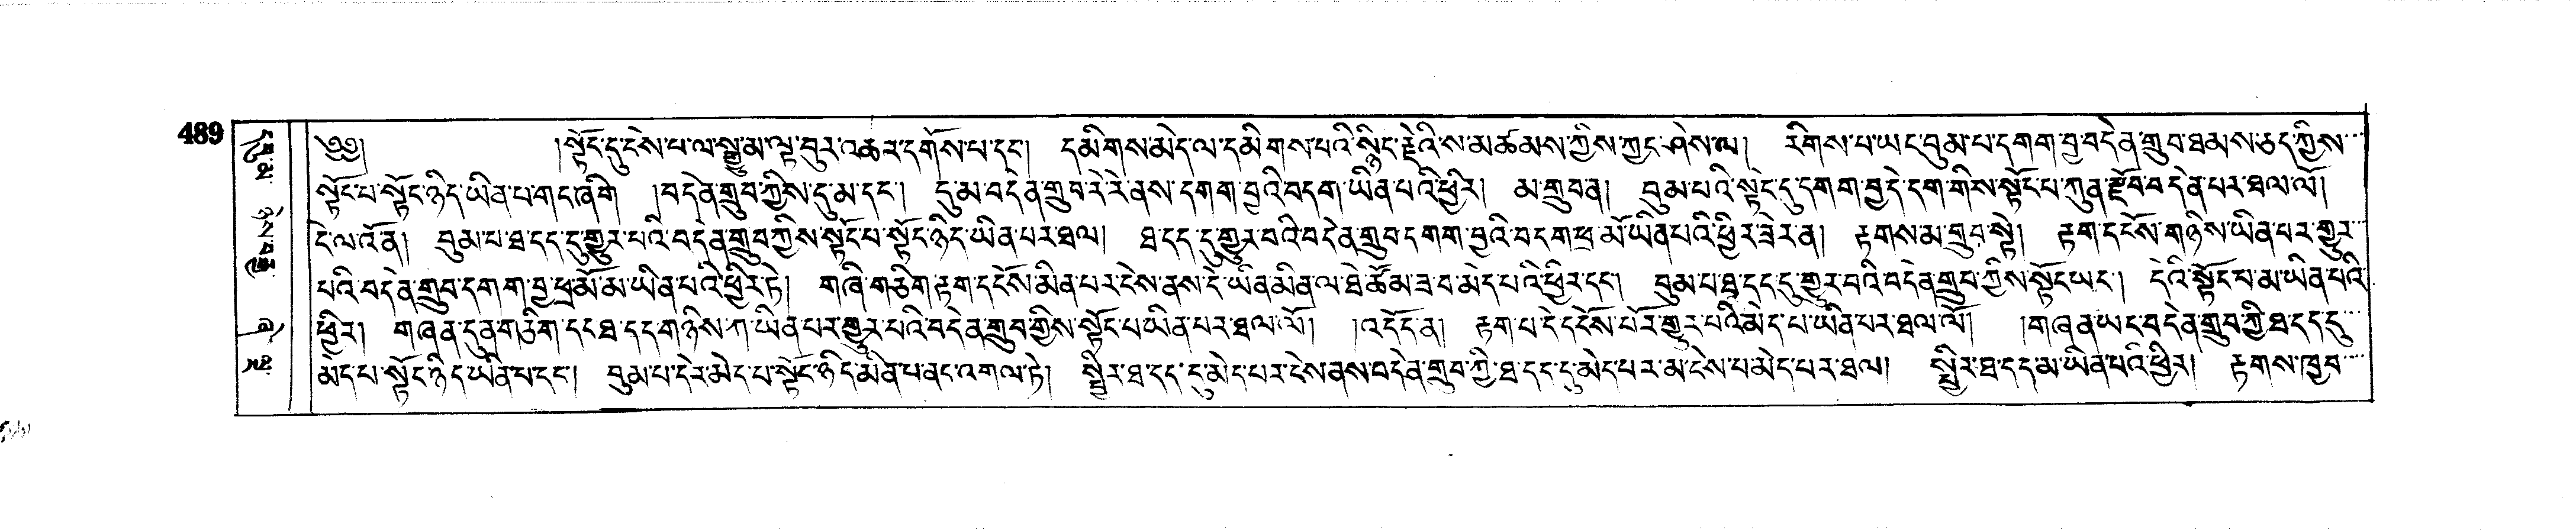༄༅། །སྟོང་དུ་ངེས་པ་ལ་སྒྱུ་མ་ལྟ་བུར་འཆར་དགོས་པ་དང་། དམིགས་མེད་ལ་དམིགས་པའི་སྙིང་རྗེའི་ས་མཚམས་ཀྱིས་ཀྱང་ཤེས་ལ། རིགས་པ་ཡང་བུམ་པ་དགག་བྱ་བདེན་གྲུབ་ཐམས་ཅད་ཀྱིས་
སྟོང་པ་སྟོང་ཉིད་ཡིན་པ་གང་ཞིག །བདེན་གྲུབ་ཀྱིས་དུ་མ་དང་། དུ་མ་བདེན་གྲུབ་རེ་རེ་ནས་དགག་བྱའི་བདག་ཡིན་པའི་ཕྱིར། མ་གྲུབ་ན། བུམ་པའི་སྟེང་དུ་དགག་བྱ་དེ་དག་གིས་སྟོང་པ་ཀུན་རྫོབ་བདེན་པར་ཐལ་ལོ།
དེ་ལ་འོ་ན། བུམ་པ་ཐ་དད་དུ་གྱུར་པའི་བདེན་གྲུབ་ཀྱིས་སྟོང་པ་སྟོང་ཉིད་ཡིན་པར་ཐལ། ཐ་དད་དུ་གྱུར་བའི་བདེན་གྲུབ་དགག་བྱའི་བདག་ཕྲ་མོ་ཡིན་པའི་ཕྱིར་ཟེར་ན། རྟགས་མ་གྲུབ་སྟེ། རྟག་དངོས་གཉིས་ཡིན་པར་གྱུར་
པའི་བདེན་གྲུབ་དགག་བྱ་ཕྲ་མོ་མ་ཡིན་པའི་ཕྱིར་ཏེ། གཞི་གཅིག་རྟག་དངོས་མིན་པར་ངེས་ནས་དེ་ཡིན་མིན་ལ་ཐེ་ཚོམ་ཟ་བ་མེད་པའི་ཕྱིར་དང་། བུམ་པ་ཐ་དད་དུ་གྱུར་བའི་བདེན་གྲུབ་ཀྱིས་སྟོང་ཡང་། དེའི་སྟོང་པ་མ་ཡིན་པའི་
ཕྱིར། གཞན་དུ་ན་གཅིག་དང་ཐ་དད་གཉིས་ཀ་ཡིན་པར་གྱུར་པའི་བདེན་གྲུབ་གྱིས་སྟོང་པ་ཡིན་པར་ཐལ་ལོ། །འདོད་ན། རྟག་པ་དེ་དངོས་པོར་གྱུར་པའི་མེད་པ་ཡིན་པར་ཐལ་ལོ། །གཞན་ཡང་བདེན་གྲུབ་ཀྱི་ཐ་དད་དུ་
མེད་པ་སྟོང་ཉིད་ཡིན་པ་དང་། བུམ་པ་དེར་མེད་པ་སྟོང་ཉིད་མིན་པ་ནང་འགལ་ཏེ། སྤྱིར་ཐ་དད་དུ་མེད་པར་ངེས་ནས་བདེན་གྲུབ་ཀྱི་ཐ་དད་དུ་མེད་པར་མ་ངེས་པ་མེད་པར་ཐལ། སྤྱིར་ཐ་དད་མ་ཡིན་པའི་ཕྱིར། རྟགས་ཁྱབ་